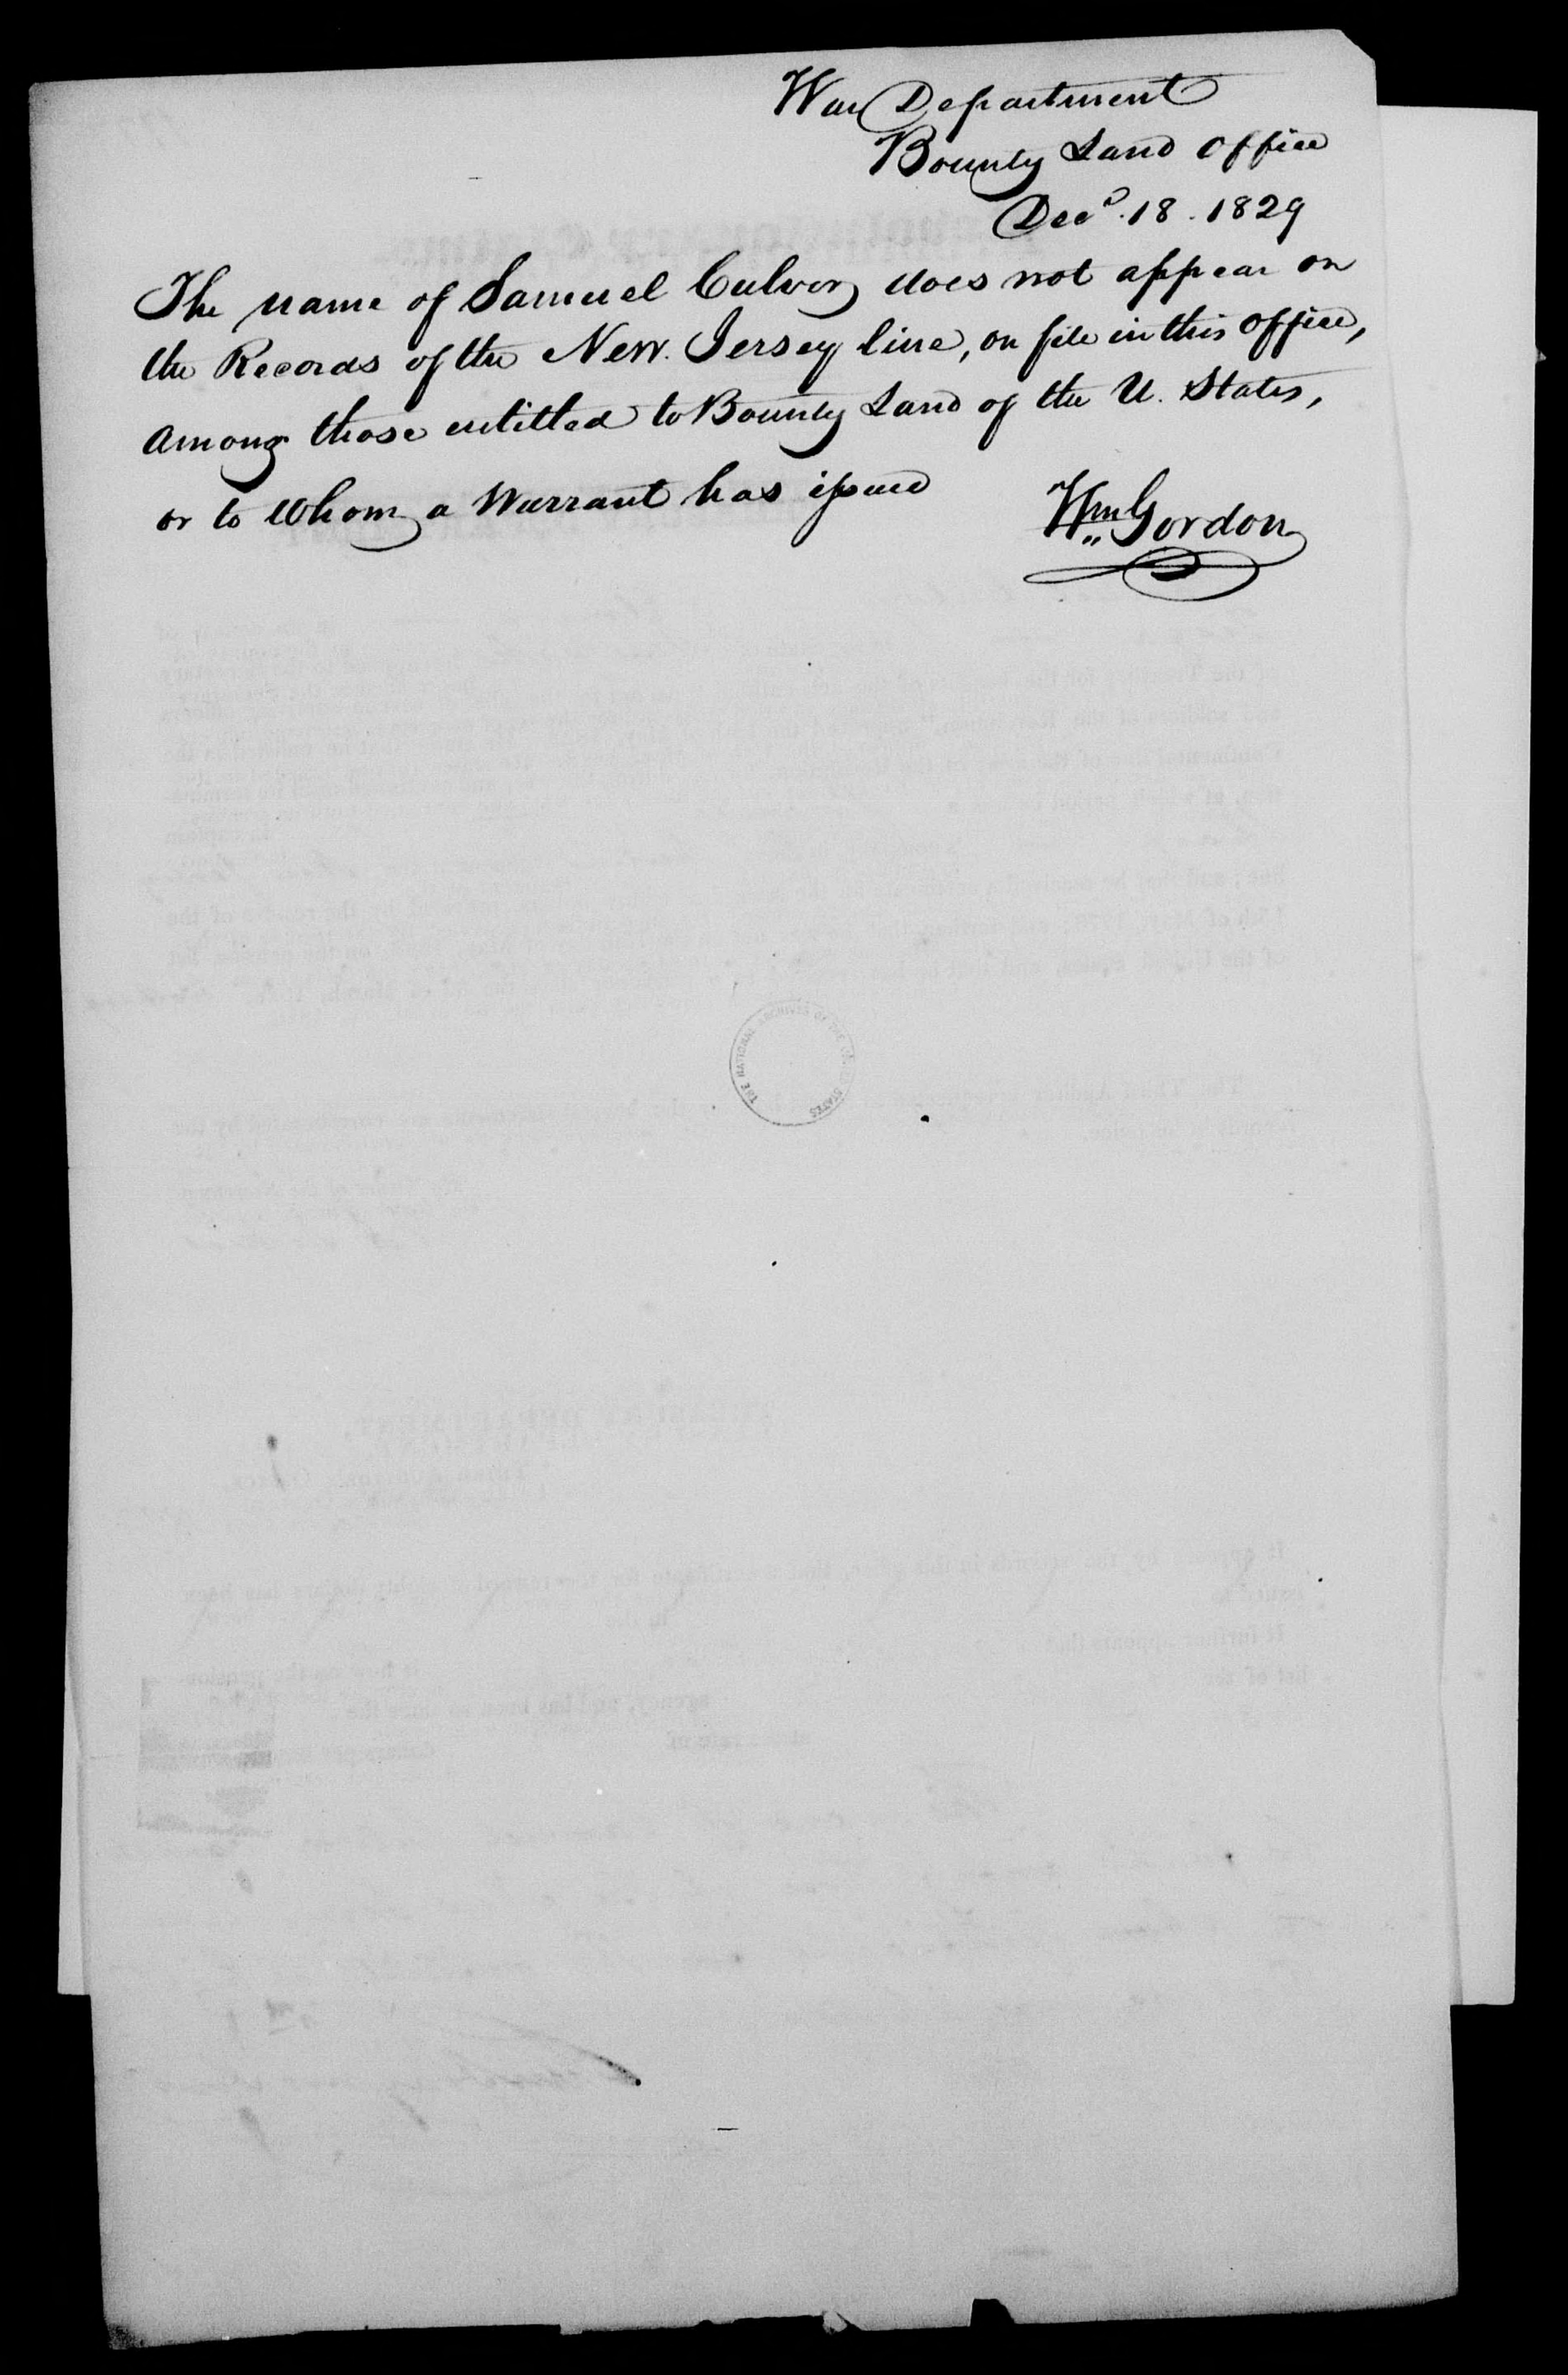War Department
				Bounty Land Office
				Dec. 18. 1829

The name of Samuel Culver does not appear on 
the Records of the New Jersey line, on file in this office,
among those entitled to Bounty Land of the U. States,
or to whom a Warrant has issued

			Wm Gordon

[stamp – The National Archives of the United States]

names: Wm Gordon, Samuel Culver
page: 32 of 40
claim: rejected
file: R. 1,570, Samuel Culver, New Jersey